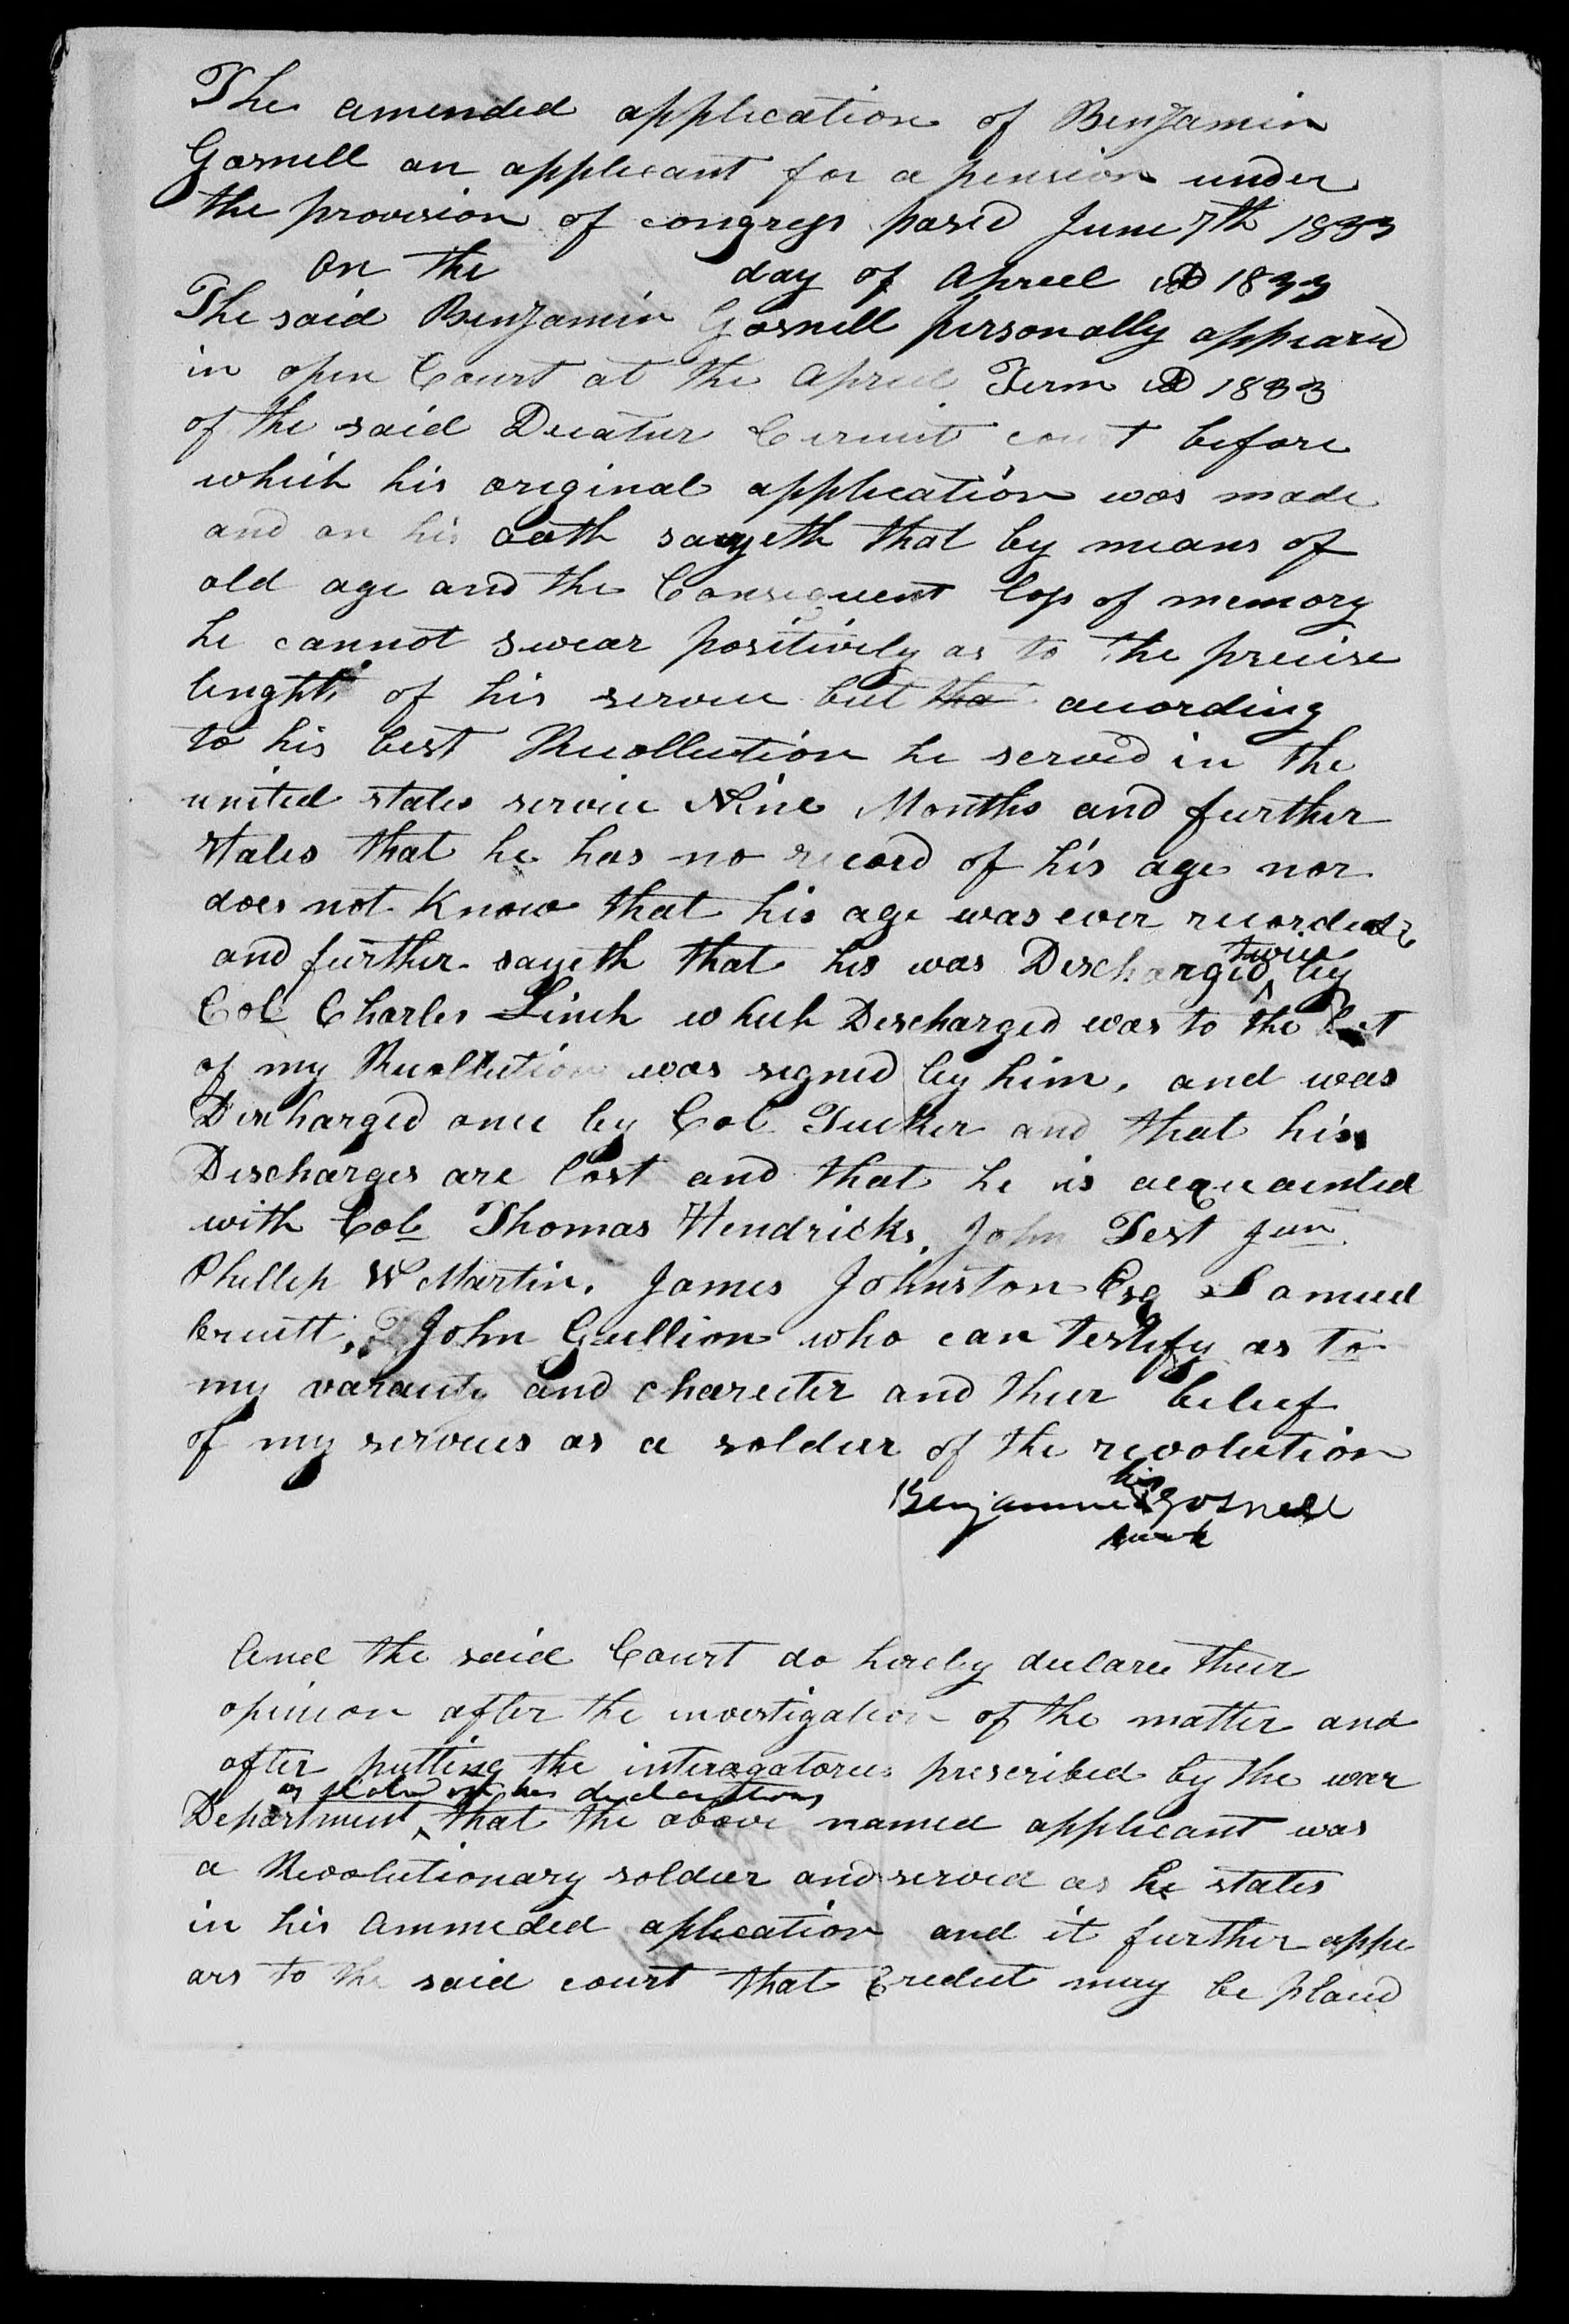The amended application of Benjamin Gosnell an applicant for a pension under the provision of congress pased [passed] June 7th 1833 [1832] on the [left blank] day of April AD 1833 
The said Benjamin Gosnell personally appeared in open Court at the April Term AD 1833 of the said Decatur Circuit court before which his original application was made and on his oath sayeth that by means of old age and the Consequent loss of memory he cannot swear positively as to the precise length of his service but according to his best Recollection he served in the united states service Nine Months and further states that he has no record of his age nor does not know that his age was ever recorded, and further sayeth that he was Discharged twice by Col Charles Linch [Lynch] which Discharged was to the best of my Recollection was signed by him, and was Discharged once by Col Tucker and that his Discharges are lost and that he is acquainted with Col. Thomas Hendricks, John Test Jnr  Phillip W Martin, James Johnson Esq Samuel Cruitt; John Guillon who can testify as to my varacity [veracity] and charecter [character] and their belief of my services as a soldier of the revolution
Benjamin Gosnell
his x mark

And the said Court do hereby declare their opinion after the investigation of the matter and after putting the interagatorees [interrogatories] prescribed by the war Department in place of his declarations that the above named applicant was a Revolutinoary soldier and served as he states in his ammeded [amended] application and it further appears to the said court that credit may be placed 
[continued next page]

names: John Gullion, Phillip W Martin, Charles Linch, Benjamin Gosnell, Benjamin Gosnell, Tucker, Benjamin Gosnell, James Johnston, John Test, Samuel Cruett, Thomas Hendricks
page: 38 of 39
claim: widow's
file: W. 11060, Benjamin Gosnell, Va.